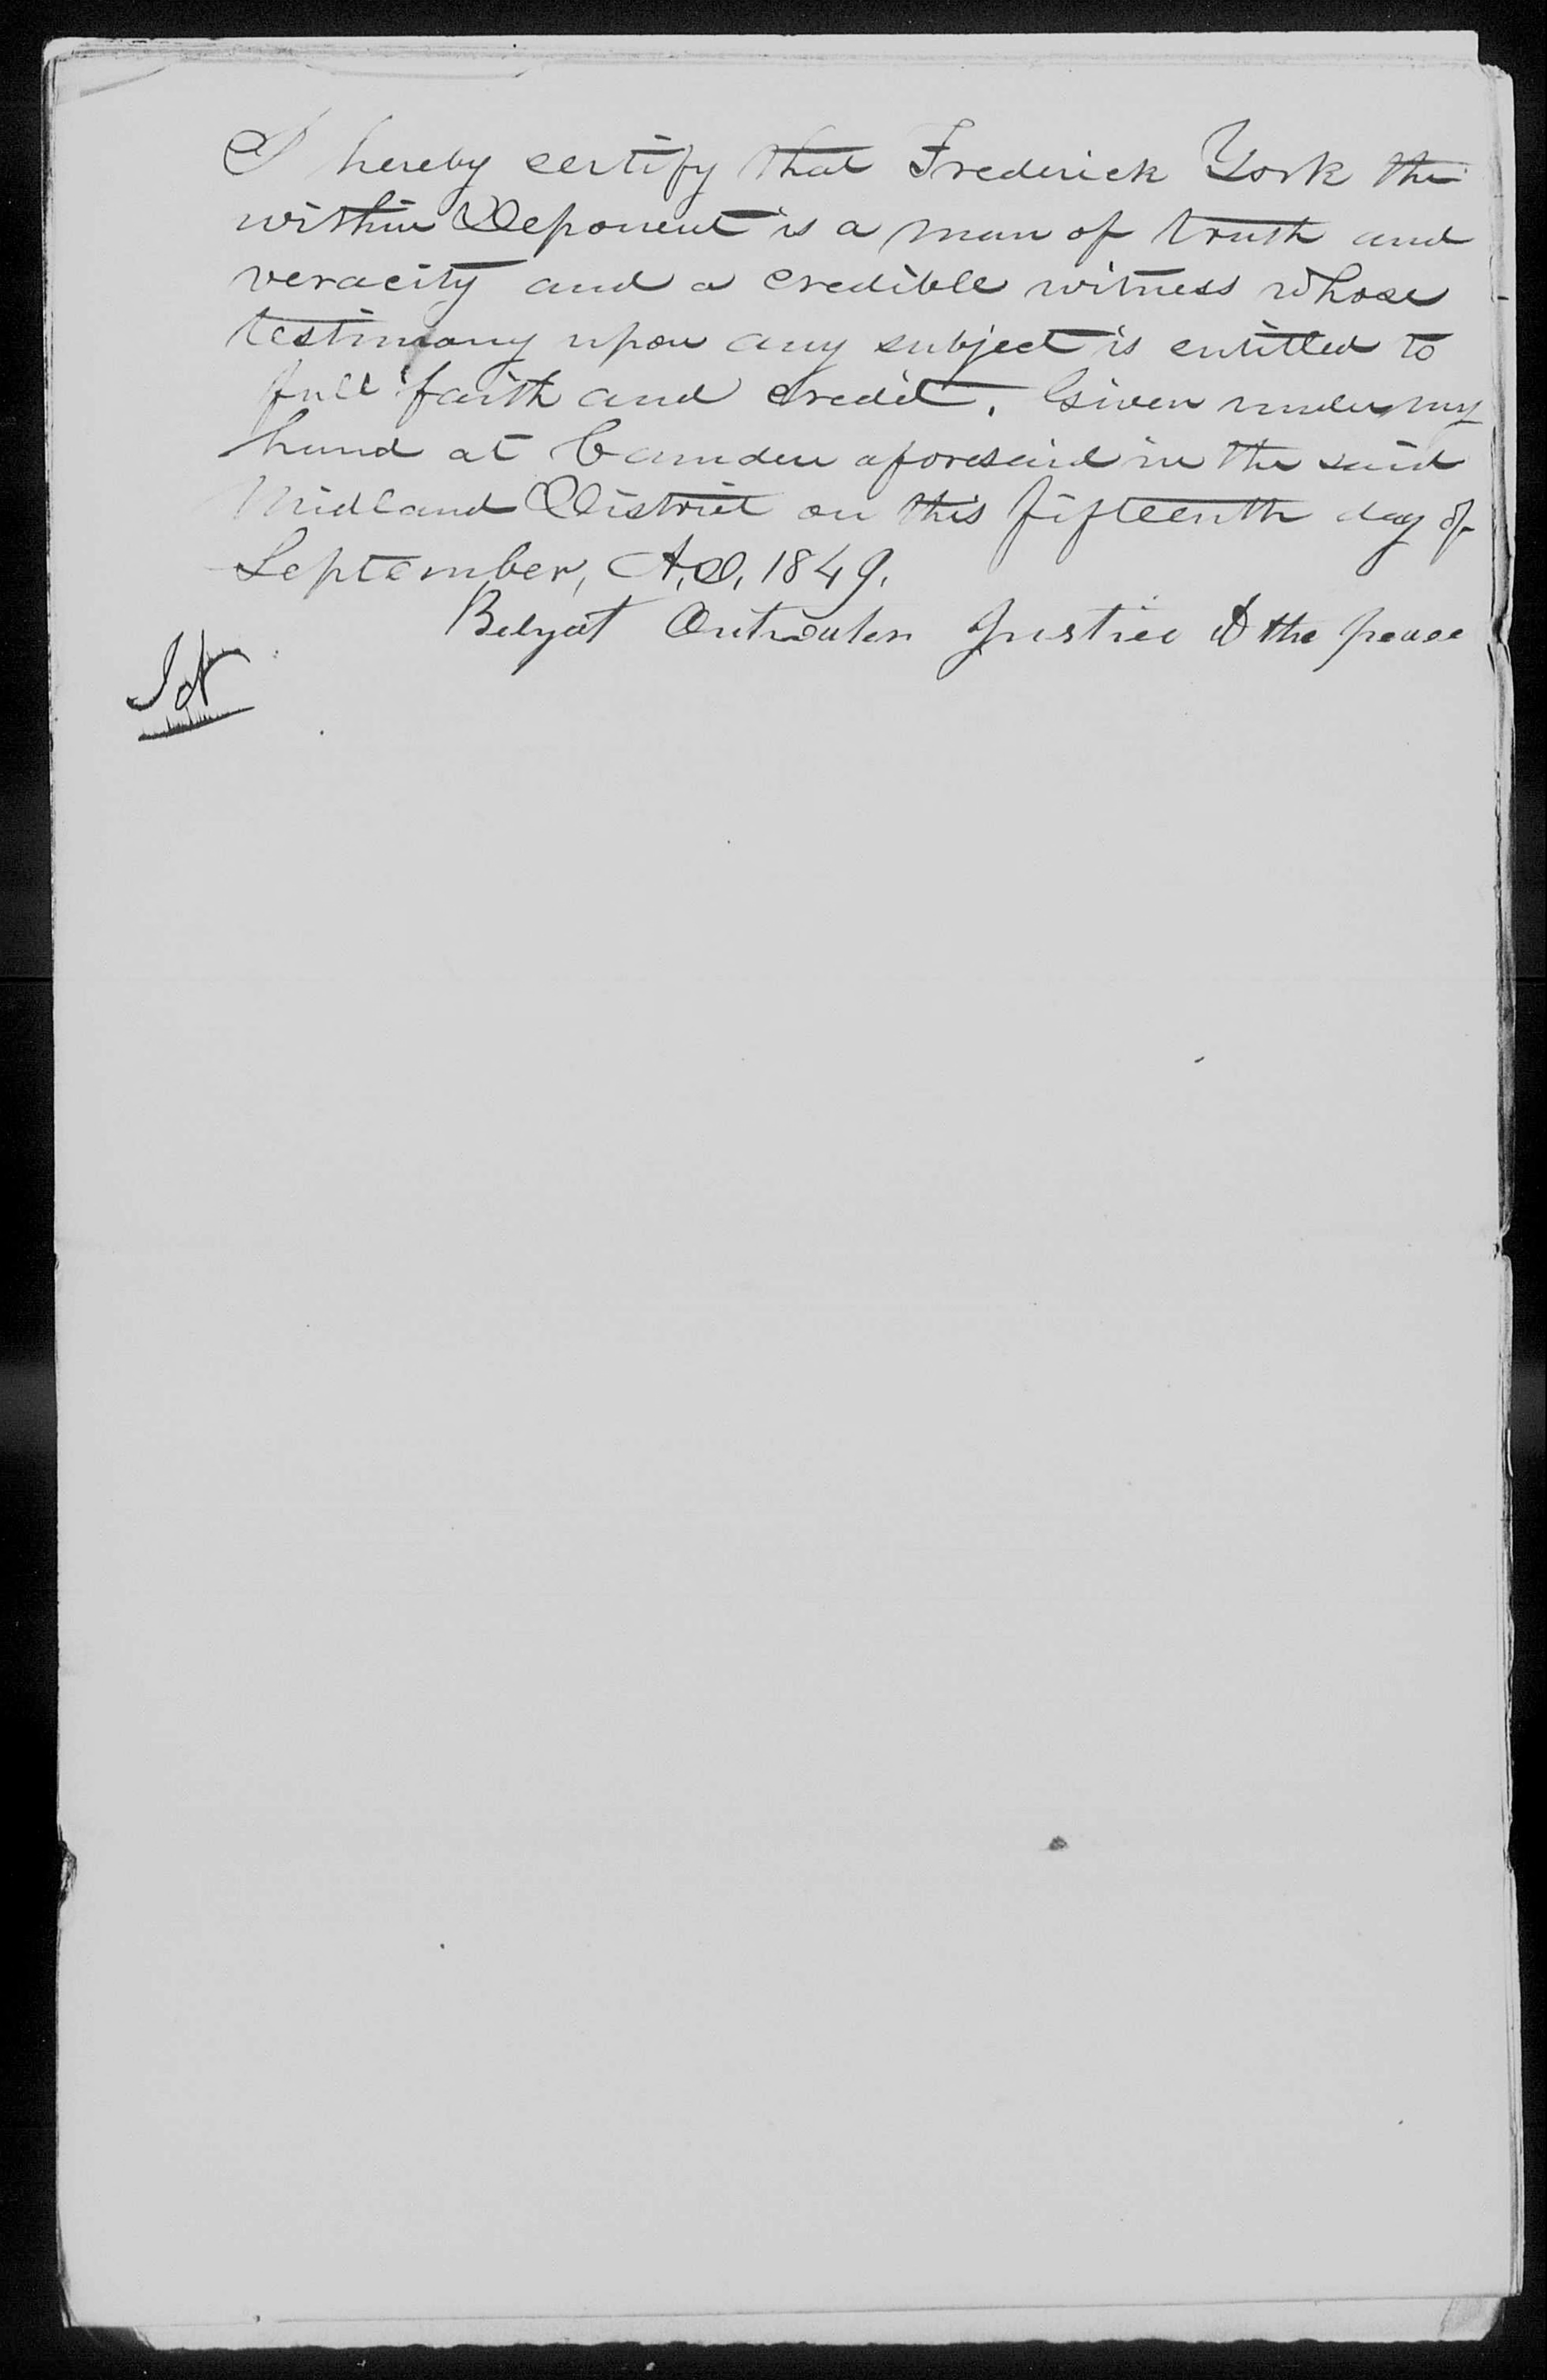I hereby certify that Frederick York the within Deponent is a man of truth and veracity and a credible witness whose testimony upon any subject is entitled to full faith and credit. Given under my hand at Camden aforesaid in the said Midland District on this fifteenth day of September, A.D. 1849.
Belyat Outwater Justice of the peace

[illegible]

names: Frederick York, Belyat Outwater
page: 46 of 106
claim: survivor's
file: S 23,116., Joshua Benedict, Conn.